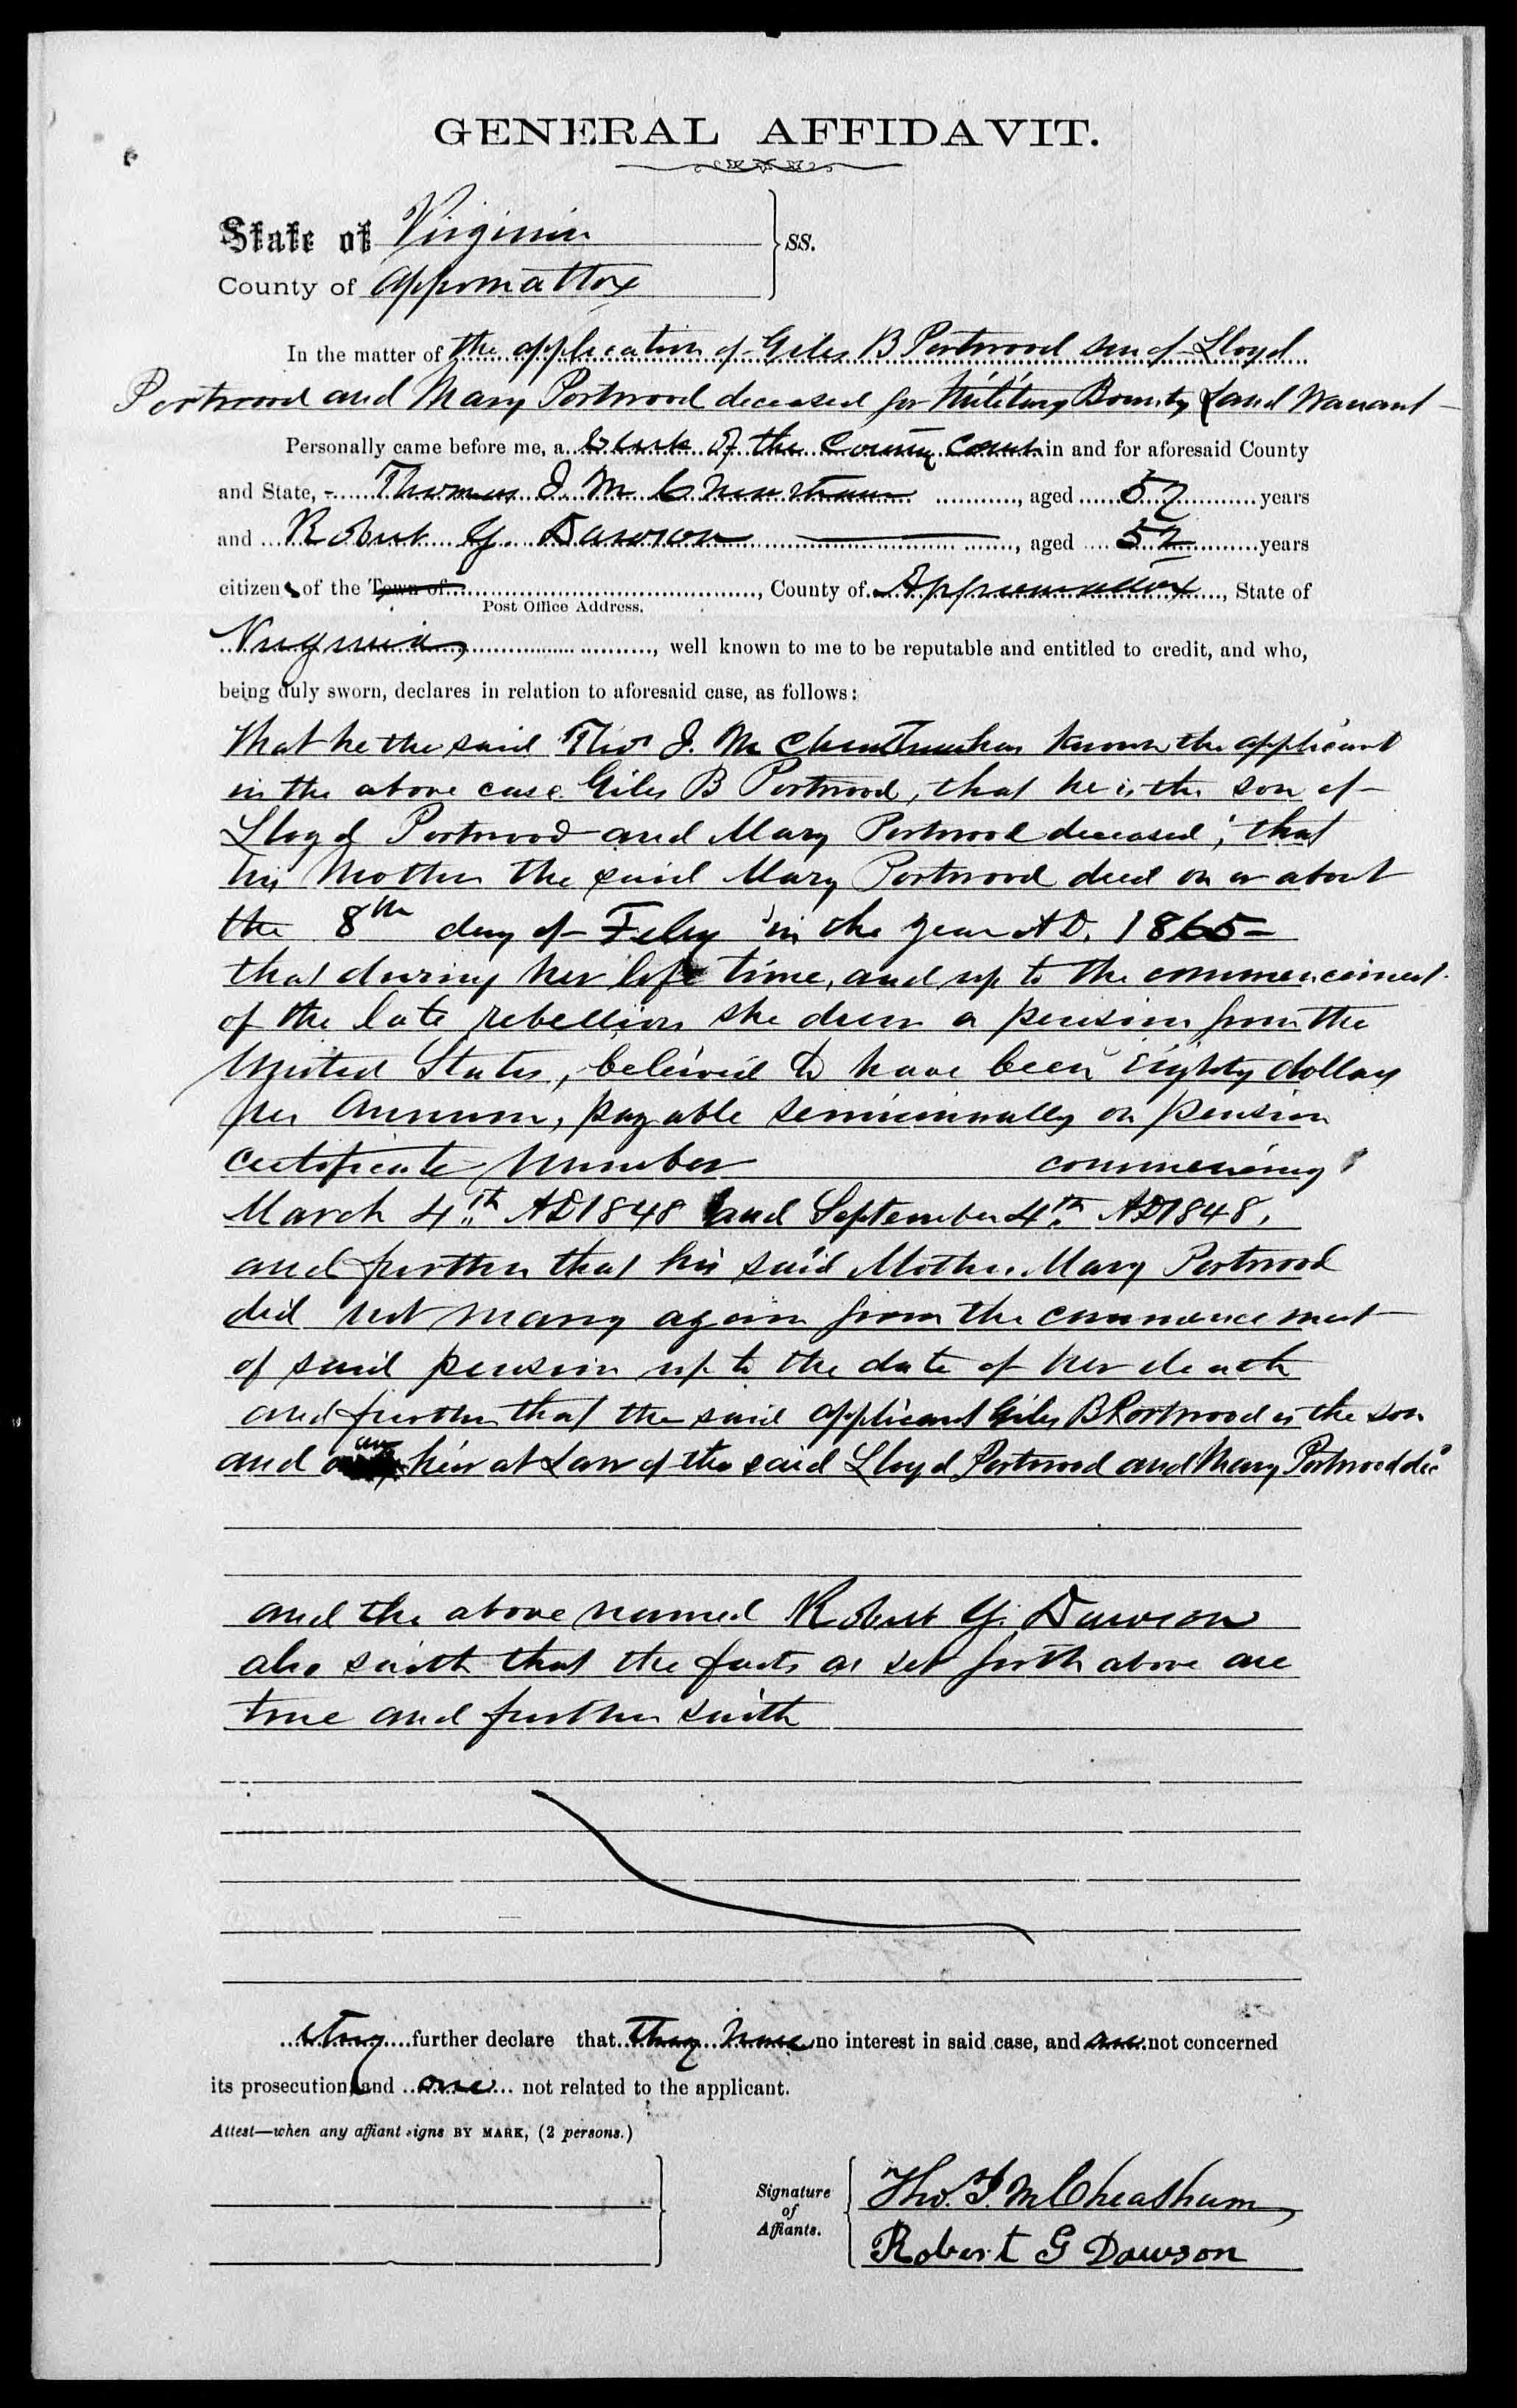GENERAL AFFIDAVIT.
State of Virginia  }SS.
County of Appomattox
In the matter of the application of Giles B Portwood son of Lloyd
Portwood and Mary Portwood deceased for Military Bounty Land Warrant
Personally came before me, a Clerk of the County Court in and for aforesaid County
and State, Thomas J. M. Cheatham, aged 52 years
and Robert G. Dawson, aged 52 years
citizens of the Town of [lined out] Post Office Address [blank], County of Appomattox, State of
Virginia, well known to me to be reputable and entitled to credit, and who,
being duly sworn, declares in relation to aforesaid case, as follows:
That he the said Thos J. M Cheatham has known the applicant
in the above case Giles B Portwood, that he is the son of
Lloyd Portwood and Mary Portwood deceased; that
his Mother the said Mary Portwood died on or about
the 8th day of Feby in the year A D. 1865 _
that during her life time, and up to the commencement
of the late rebellion she drew a pension from the
United States, believed to have been eighty dollars
per annum, payable semiannally on pension
certificate number [blank] commencing
March 4th AD1848 and September 4th AD1848,
and further that his said Mother, Mary Portwood
did not marry again from the commencement
of said pension up to the date of her death
and further that the said applicant Giles B Portwood is the son
and only [marked out] an heir at Law of the said Lloyd Portwood and Mary Portwood
[two blank lines]
and the above named Robert G. Dawson
also saith that the facts as set forth above are
true and further saith
[lined through]
they further declare that they have no interest in said case, and are not concerned
its prosecution and are not related to the applicant.
Attest--when any affiant signs BY MARK, (2 persons.)
Signature
unt
[Blank] } | Signature { Thos. J. M Cheatham
| of
[Blank] } | Affiants. { Robert G Dawson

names: Thomas J M Cheatham; Giles B Portwood; Mary Portwood; Lloyd Portwood; Robert G Dawson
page: 39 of 50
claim: widow's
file: W. 1929, for Lloyd Portwood, Virginia